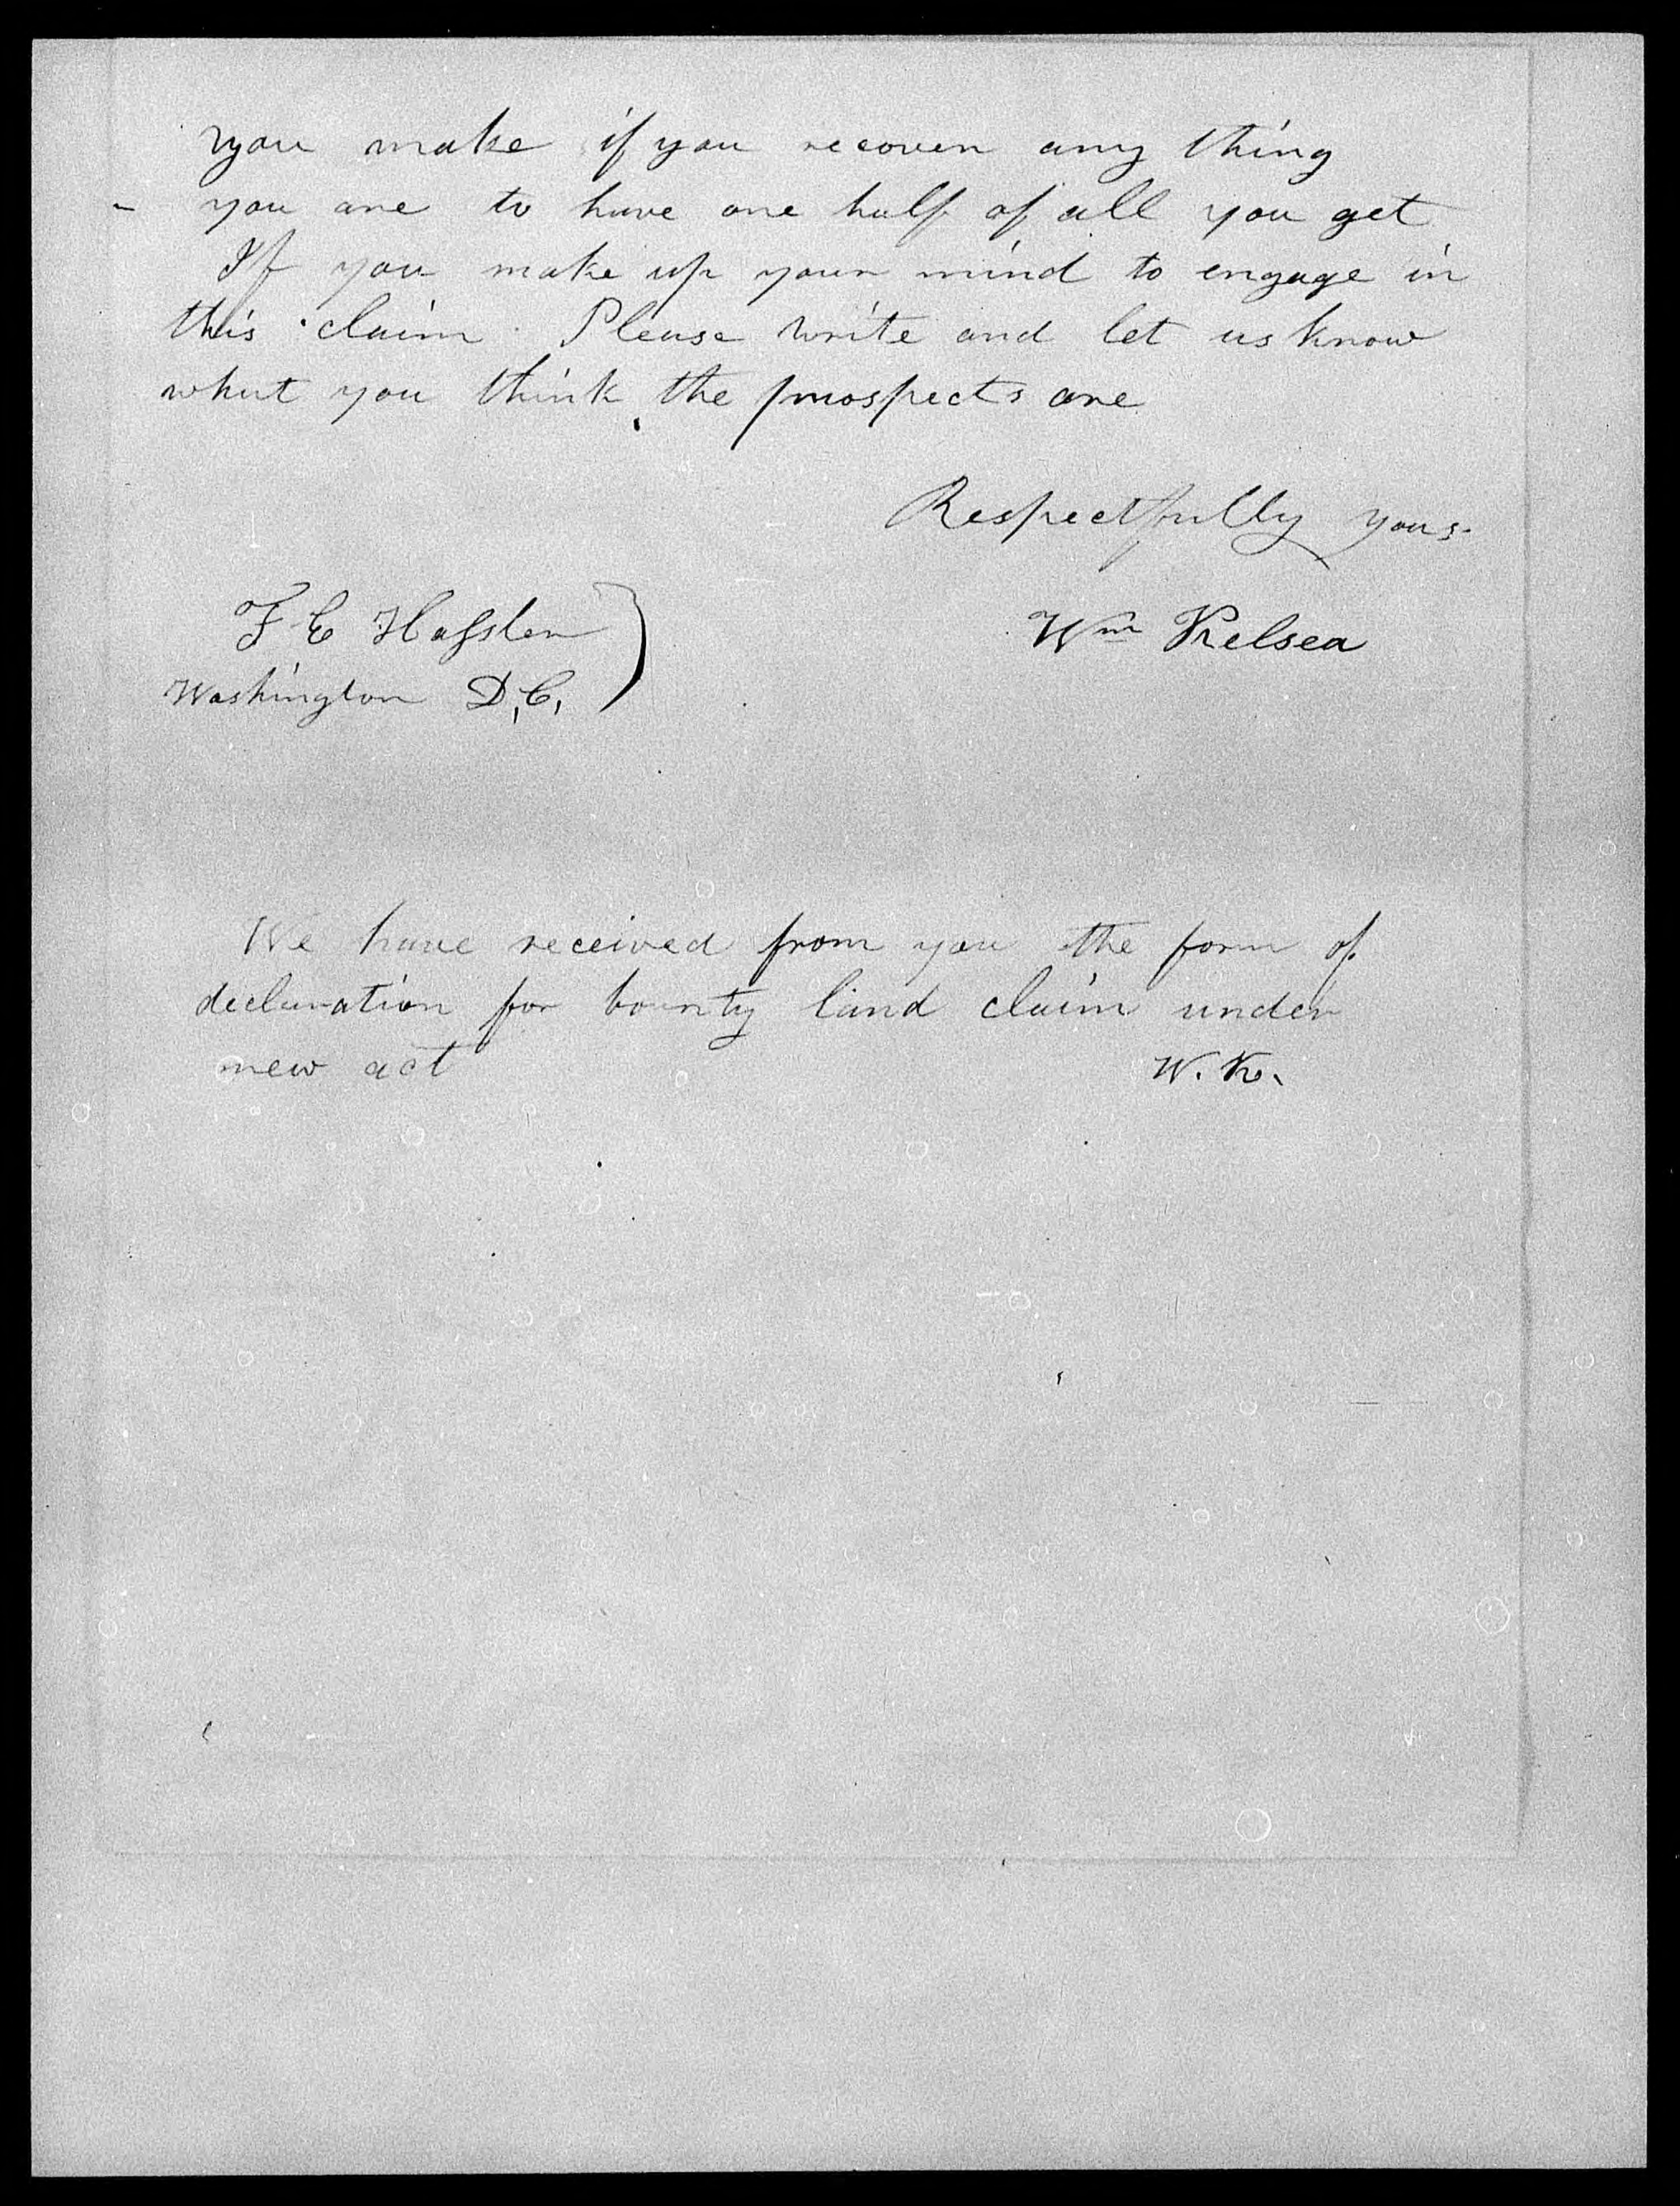you make if you recover any thing [sic] you are to have one half of all you get If you make up your mind to engage in this claim Please write and let us know what you think the prospects are.

Respectfully Yours
Wm [WILLIAM} Kelsea

F E Hassler
Washington D.C.

We have received from you the form of 
declaration for bounty land claim under new act
W. K.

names: F E Hassler; Wm Kelsea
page: 8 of 14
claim: rejected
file: R 5922, for Jonathan Kimball, New Hampshire